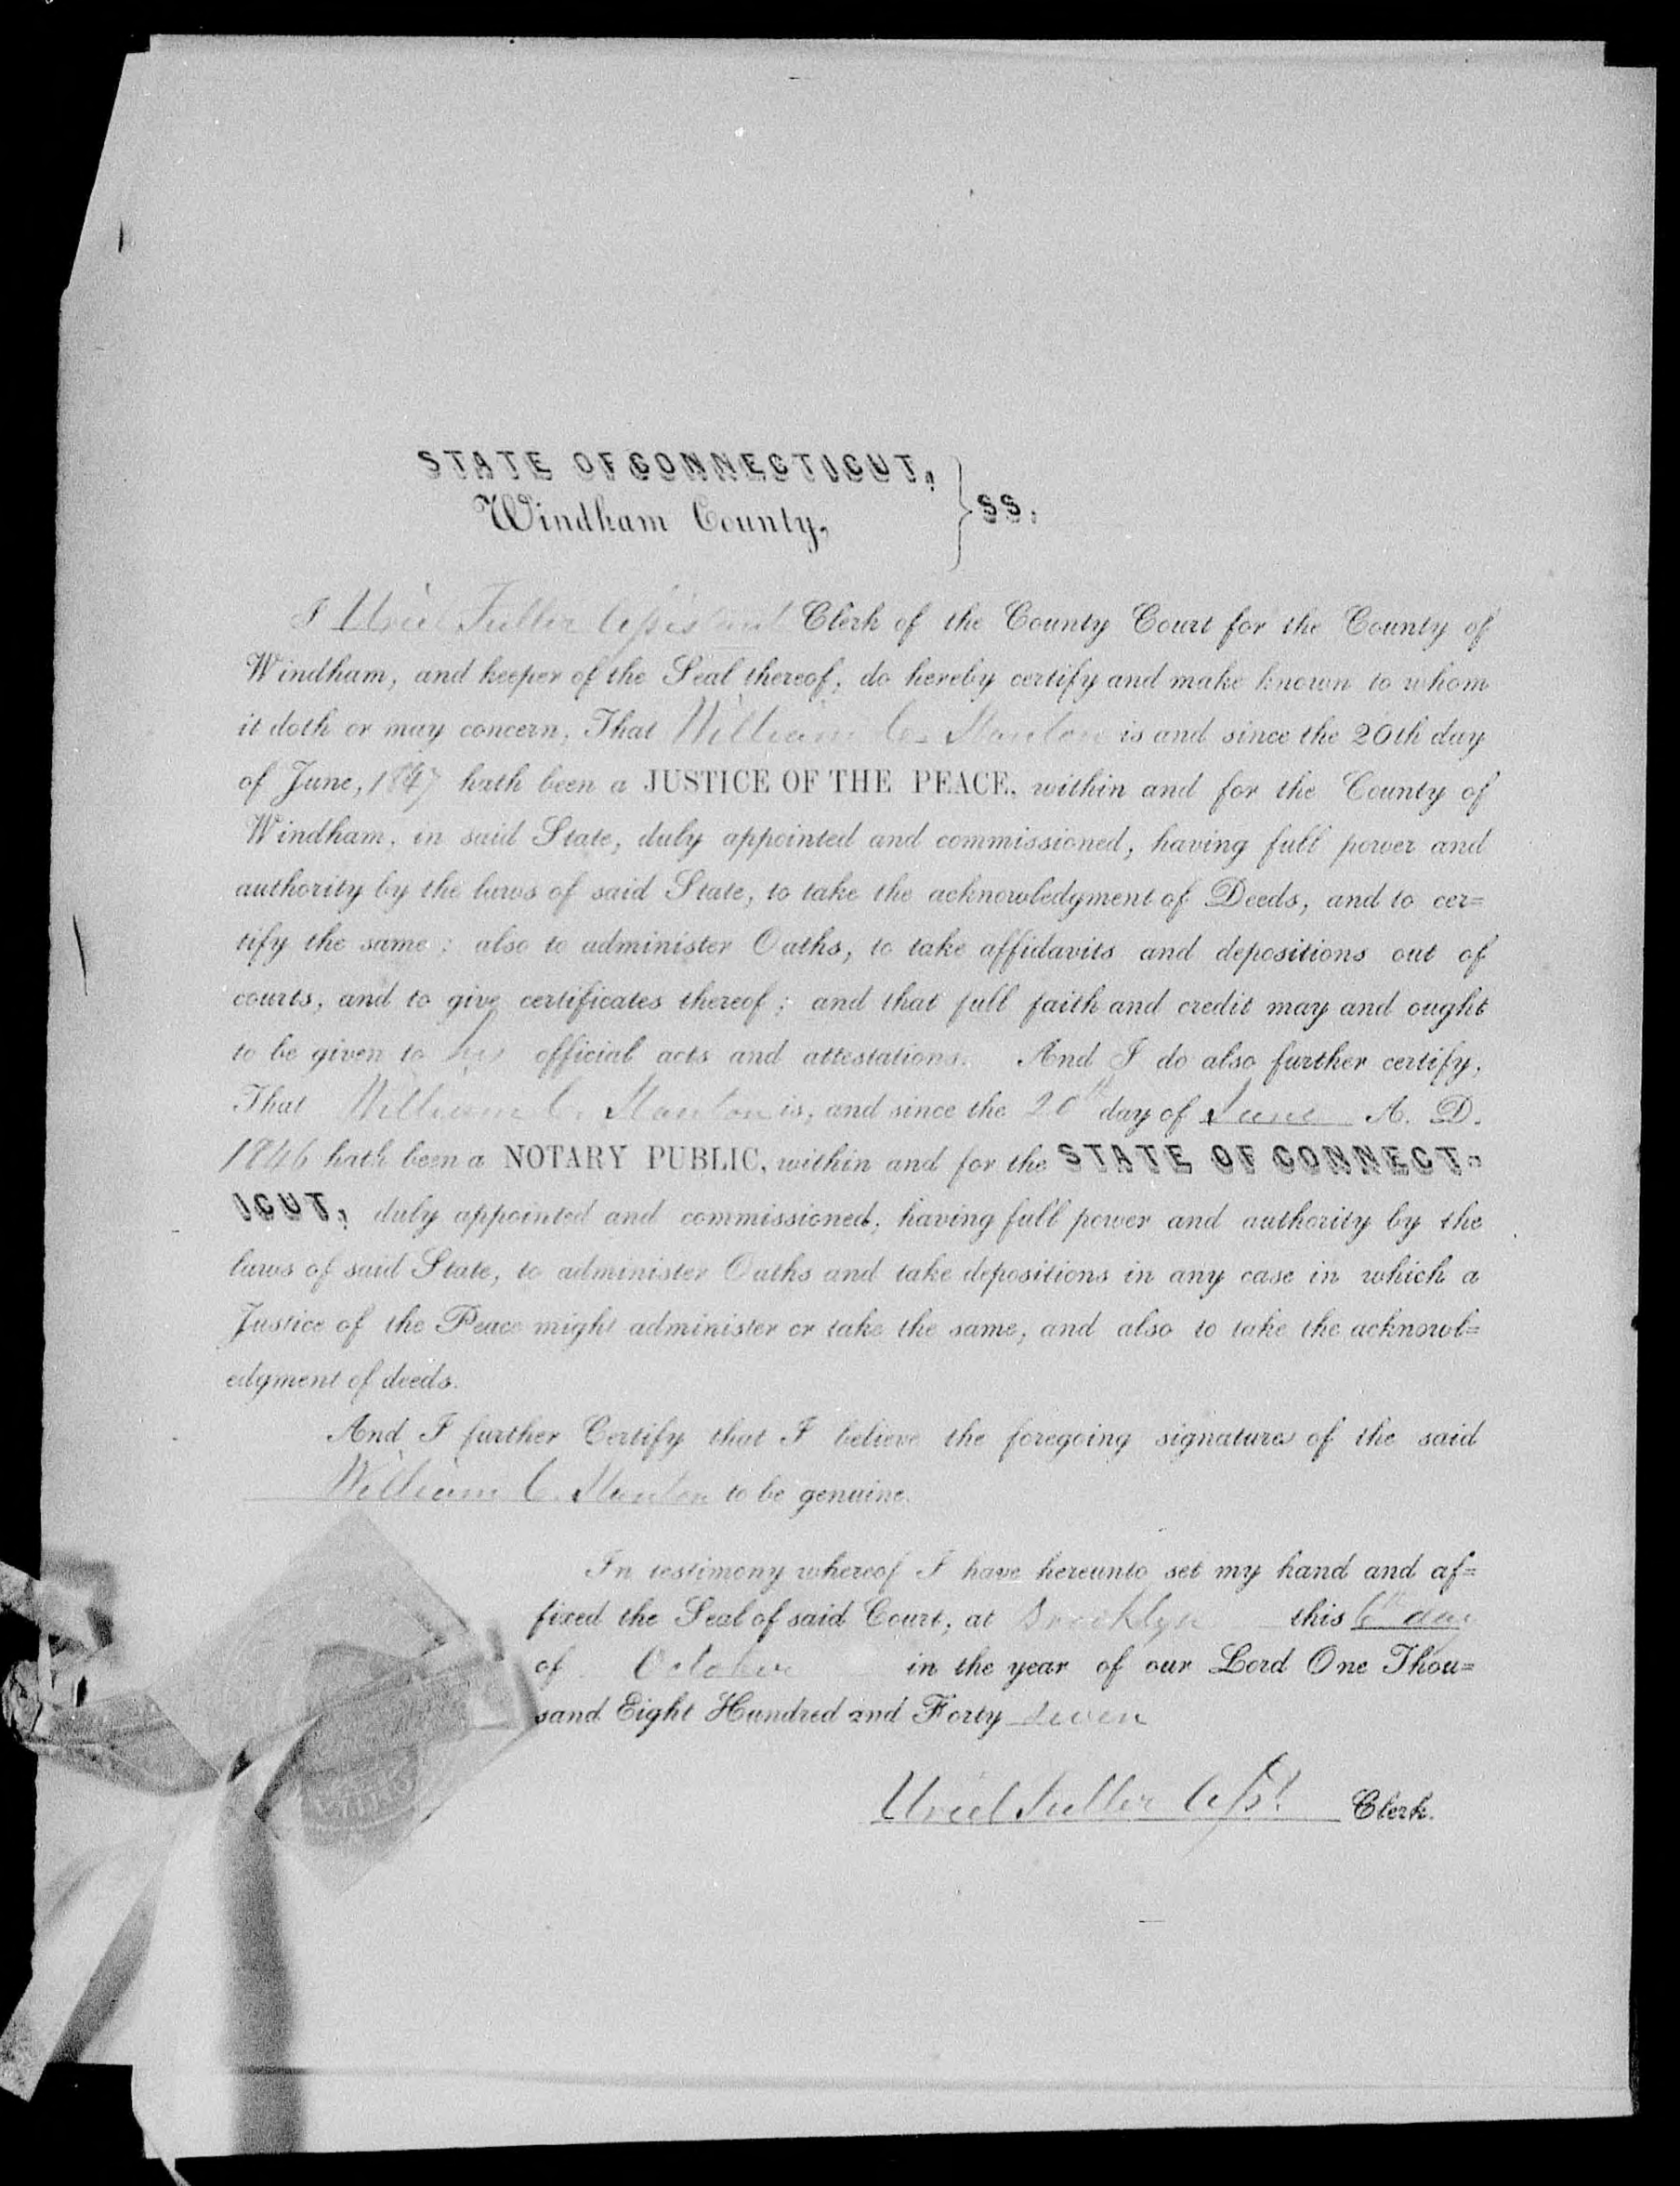STATE OF CONNECTICUT, }
Windham County, } SS.

I Uriel Fuller [not legible] Clerk of the County Court for the County of Windham, and keeper of the Seal thereof, do hereby certify and make known to whom it doth or may concern, That William C Stanton is and since the 20th day of June, 1847 hath been a  JUSTICE OF THE PEACE, within and for the County of Windham, in said State, duly appointed and commissioned, having full power and authority by the laws of said State, to take the acknowledgement of Deeds, and to certify the same; also to administer Oaths, to take affidavits and depositions out of courts, and the give certificates thereof; and that full faith and credit may and ought to be given to his official acts and attestations. And I do also further certify, That William C. Stanton is, and since the 20th day of June A.D. 1846 hath been a NOTARY PUBLIC, within and for the STATE OF CONNECTICUT, duly appointed and commissioned, having full power and authority by the laws of said State, to administer Oaths and take depositions in any case in which a Justice of the Peace might administer or take the same, and also to take the acknowledgement of deeds.
And I further Certify that I believe the foregoing signature of the said William C. Stanton to be genuine.
In testimony whereof I have hereunto set my hand and affixed the Seal of said Court, at Brooklyn this 6th day of October in the year of our Lord One Thousand Eight Hundred and Forty Seven.
[signed Uriel Fuller - not legible] Clerk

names: William C Stanton, William C Stanton, Uriel Fuller, Uriel Fuller, William C Stanton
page: 10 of 40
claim: rejected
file: R. 4251, John Green, Conn.